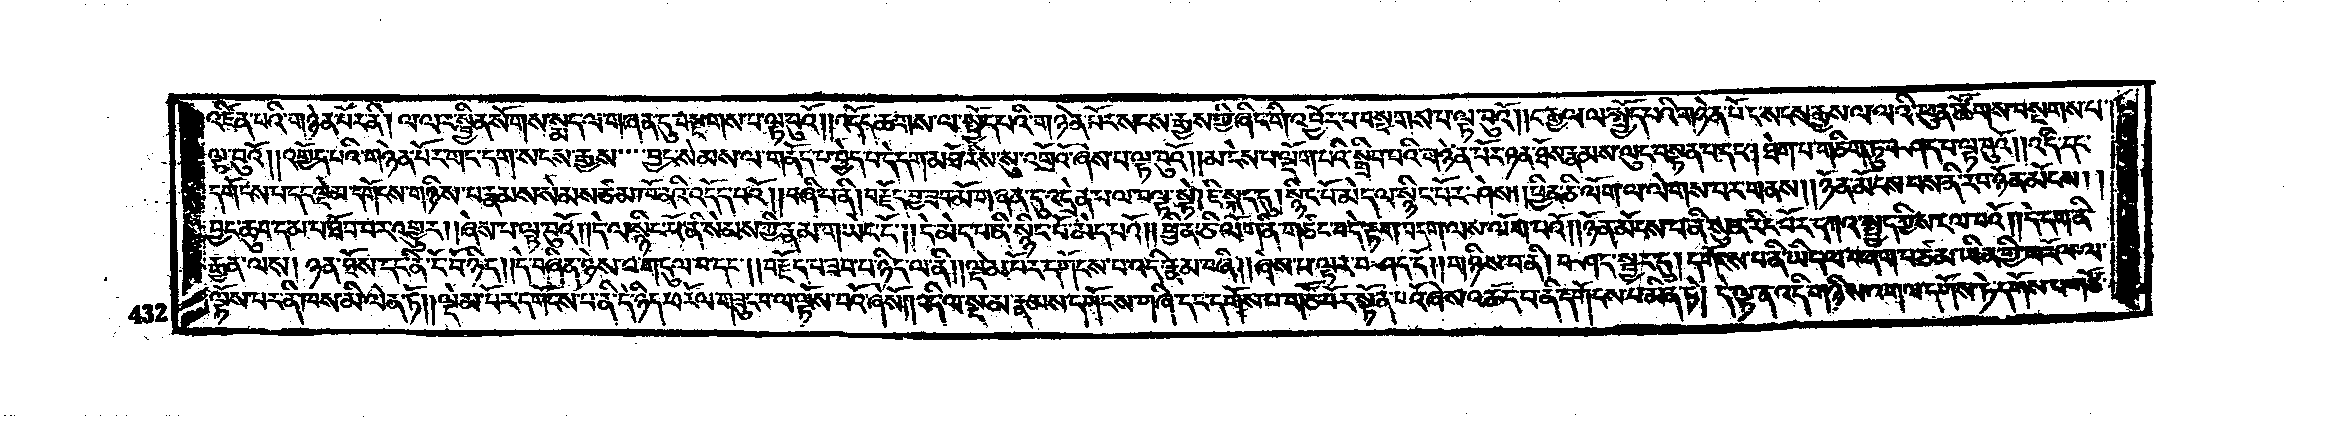འཛིན་པའི་གཉེན་པོར་ནི། ལ་ལར་སྦྱིན་སོགས་སྨད་ལ་གཞན་དུ་བསྔགས་པ་ལྟ་བུའོ། །འདོད་ཆགས་ལ་སྤྱོད་པའི་གཉེན་པོར་སངས་རྒྱས་ཀྱི་ཞིང་གི་འབྱོར་པ་བསྔགས་པ་ལྟ་བུའོ། །བརྒྱལ་ལ་སྤྱོད་པའི་གཉེན་པོར་སངས་རྒྱས་ལ་ལའི་ཕུན་ཚོགས་བསྔགས་པ་
ལྟ་བུའོ། །འགྱོད་པའི་གཉེན་པོར་གང་དག་སངས་རྒྱས་བྱང་སེམས་ལ་གནོད་པ་བྱེད་པ་དེ་དག་མཐོ་རིས་སུ་འགྲོའོ་ཞེས་པ་ལྟ་བུའོ། །མ་ངེས་པ་ལྡོག་པའི་སྒྲིབ་པའི་གཉེན་པོར་ཉན་ཐོས་རྣམས་ལུང་བསྟན་པ་དང་། ཐེག་པ་གཅིག་ཏུ་བཤད་པ་ལྟ་བུའོ། །འདི་དང་
དགོངས་པ་དང་ལྡེམ་དགོངས་གཉིས་པ་རྣམས་སེམས་ཙམ་ཁོ་ནའི་འདོད་པའོ། །བཞི་པ་ནི། བརྗོད་བྱ་ཟབ་མོ་གཞན་དུ་འདྲེན་པ་ལ་བལྟ་སྟེ། ཇི་སྐད་དུ། སྙིང་པོ་མེད་ལ་སྙིང་པོར་ཤེས། །ཕྱིན་ཅི་ལོག་ལ་ལེགས་པར་གནས། །ཉོན་མོངས་པས་ནི་རབ་ཉོན་མོངས། །
བྱང་ཆུབ་དམ་པ་ཐོབ་པར་འགྱུར། །ཞེས་པ་ལྟ་བུའོ། །དེ་ལ་སྙིང་པོ་ནི་སེམས་ཀྱི་རྣམ་གཡེང་ངོ། །དེ་མེད་པ་ནི་སྙིང་པོ་མེད་པའོ། །ཕྱིན་ཅི་ལོག་ནི་གཙང་བ་དེ་རྟག་བདག་ལས་ལོག་པའོ། །ཉོན་མོངས་པ་ནི་ཡུན་རིང་པོར་དཀའ་སྤྱད་ཀྱིས་ངལ་བའོ། །དེ་དག་ནི་
རྒྱན་ལས། ཉན་ཐོས་དང་ནི་ངོ་བོ་ཉིད། །དེ་བཞིན་ཉེས་པ་གདུལ་བ་དང་། །བརྗོད་པ་ཟབ་པ་ཉིད་ལ་ནི། །ལྡེམ་པོར་དགོངས་པ་འདི་རྣམ་བཞི། །ཞེས་པ་ལྟར་བཤད་དོ། །གཉིས་པ་ནི། བཤད་སྦྱར་དུ། དགོངས་པ་ནི་ཡིད་ལ་བཞག་པ་ཙམ་ཡིན་གྱི་ཕ་རོལ་ལ་
ལྟོས་པར་ནི་ཁས་མི་ལེན་ཏོ། །ལྡེམ་པོར་དགོངས་པ་ནི་དེ་ཉིད་ཕ་རོལ་གཟུང་བ་ལ་ལྟོས་པའོ་ཞེས་སོ། །འདི་ལ་སྔ་མ་རྣམས་དགོངས་གཞི་དང་དགོས་པ་གཙོ་བོར་སྟོན་པའོ་ཞེས་འཆད་པ་ནི་དགོངས་པ་མིན་ཏེ། དེ་ལྟ་ན་འདི་གཉིས་འགལ་དགོས་ཏེ་དགོས་པ་གཙོ་